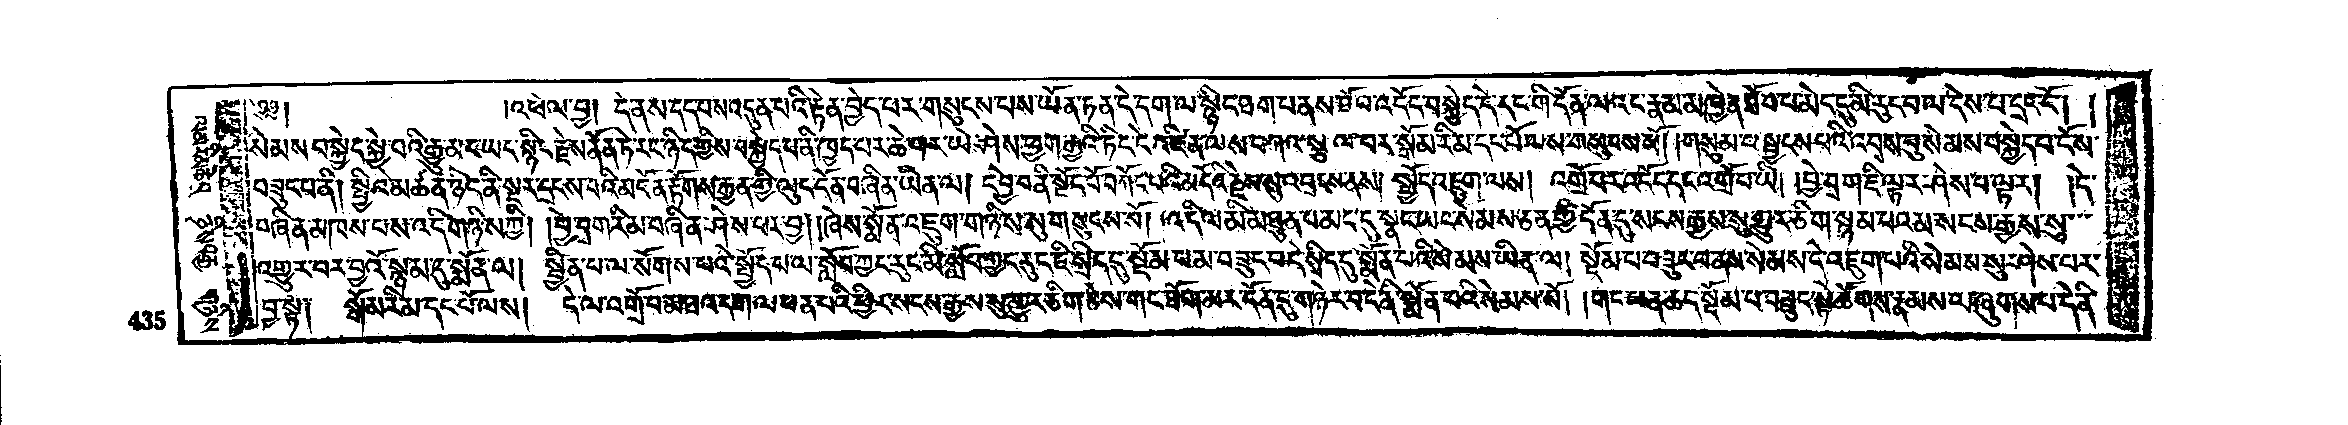༄༅། །འཕེལ་བྱ། དེ་ནས་དང་པས་འདུན་པའི་རྟེན་བྱེད་པར་གསུངས་པས་ཡོན་ཏན་དེ་དག་ལ་སྙིང་ཐག་པ་ནས་ཐོབ་འདོད་བསྐྱེད་དེ་རང་གི་དོན་ལའང་རྣམ་མཁྱེན་ཐོབ་པ་མེད་དུ་མི་རུང་བ་ལ་ངེས་པ་དྲང་ངོ། །
སེམས་བསྐྱེད་སྐྱེ་བའི་རྒྱུ་མང་ཡང་སྙིང་རྗེས་ནོན་ཏེ་རང་ཉིད་ཀྱིས་བསྐྱེད་པ་ནི་ཁྱད་པར་ཆེ་བར་ཡེ་ཤེས་ཕྱག་རྒྱའི་ཏིང་ངེ་འཛིན་ལས་བཀའ་སྩལ་བར་སྒོམ་རིམ་དང་པོ་ལས་གསུངས་སོ། །གསུམ་པ་སྦྱངས་པའི་འབྲས་བུ་སེམས་བསྐྱེད་པ་ངོས་
བཟུང་བ་ནི། །སྤྱིའི་མཚན་ཉིད་ནི་སྔར་དྲངས་པའི་མངོན་རྟོགས་རྒྱན་གྱི་ལུང་དོན་བཞིན་ཡིན་ལ། དབྱེ་བ་ནི་སྡོང་པོ་བཀོད་པའི་མདོའི་རྗེས་སུ་འབྲངས་ནས། སྤྱོད་འཇུག་ལས། འགྲོ་བར་འདོད་དང་འགྲོ་བ་ཡི། །བྱེ་བྲག་ཇི་ལྟར་ཤེས་པ་ལྟར། །དེ་
བཞིན་མཁས་པས་འདི་གཉིས་ཀྱི། །བྱེ་བྲག་རིམ་བཞིན་ཤེས་པར་བྱ། །ཞེས་སྨོན་འཇུག་གཉིས་སུ་གསུངས་སོ། །འདི་ལ་མི་མཐུན་པ་མང་དུ་སྣང་ཡང་སེམས་ཅན་གྱི་དོན་དུ་སངས་རྒྱས་སུ་གྱུར་ཅིག་སྙམ་པའམ་སངས་རྒྱས་སུ་
འགྱུར་བར་བྱའོ་སྙམ་དུ་སྨོན་ལ། སྦྱིན་པ་ལ་སོགས་པའི་སྤྱོད་པ་ལ་སློབ་ཀྱང་རུང་མི་སློབ་ཀྱང་རུང་ཇི་སྲིད་དུ་སྡོམ་པ་མ་བཟུང་བ་དེ་སྲིད་དུ་སྨོན་པའི་སེམས་ཡིན་ལ། སྡོམ་པ་བཟུང་བ་ནས་སེམས་དེ་འཇུག་པའི་སེམས་སུ་ཤེས་པར་
བྱ་སྟེ༑ སྒོམ་རིམ་དང་པོ་ལས། དེ་ལ་འགྲོ་བ་མཐའ་དག་ལ་ཕན་པའི་ཕྱིར་སངས་རྒྱས་སུ་གྱུར་ཅིག་ཅེས་གང་ཐོག་མར་དོན་དུ་གཉེར་བ་དེ་ནི་སྨོན་པའི་སེམས་སོ། །གང་ཕན་ཆད་སྡོམ་པ་བཟུང་སྟེ་ཚོགས་རྣམས་ལ་ཞུགས་པ་དེ་ནི་